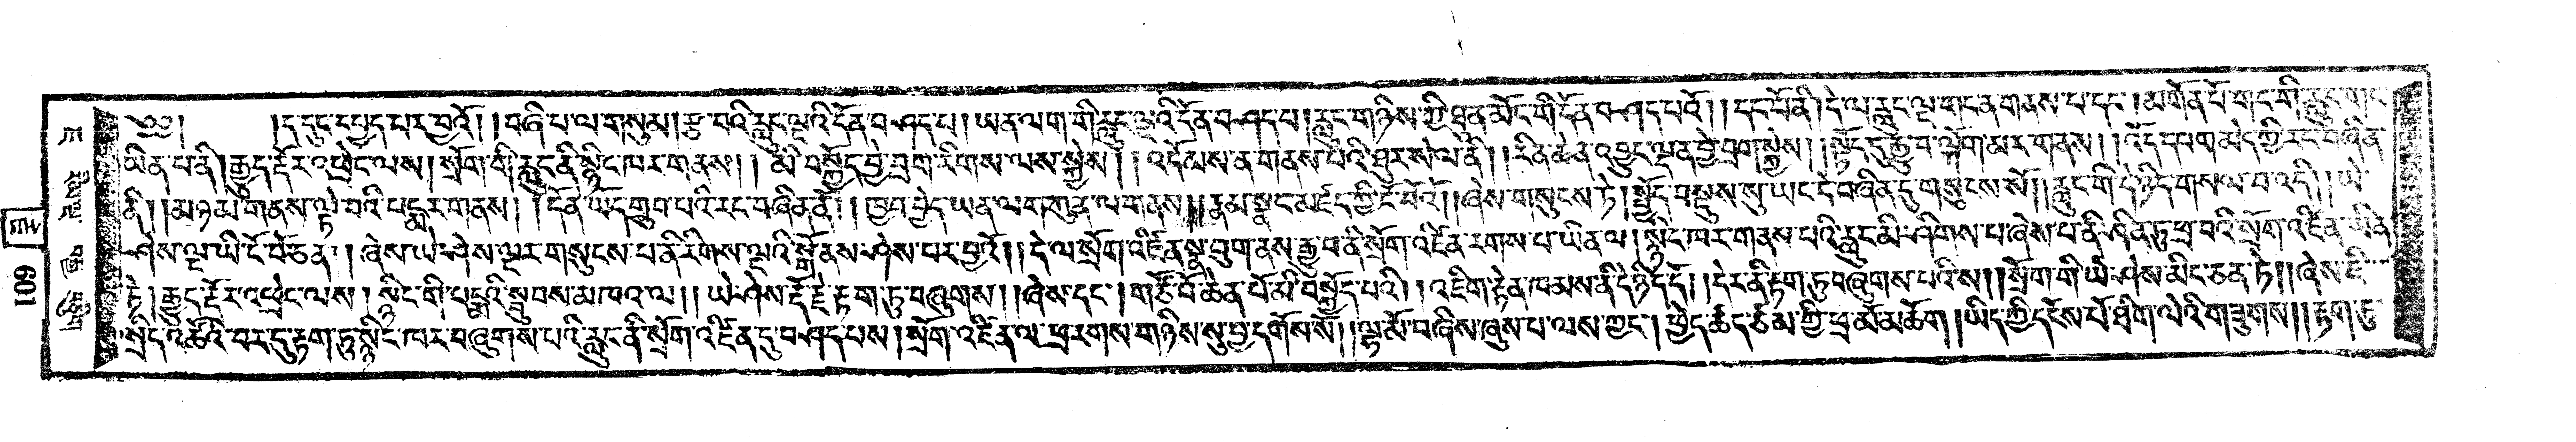༄༅། །ད་དུང་དཔྱད་པར་བྱའོ། །བཞི་པ་ལ་གསུམ། རྩ་བའི་རླུང་ལྔའི་དོན་བཤད་པ། ཡན་ལག་གི་རླུང་ལྔའི་དོན་བཤད་པ། རླུང་གཉིས་ཀྱི་ཐུན་མོང་གི་དོན་བཤད་པའོ། །དང་པོ་ནི། དེ་ལ་རླུང་ལྔ་གང་ན་གནས་པ་དང་། མགོན་པོ་གང་གི་རླུང་གང་
ཡིན་པ་ནི། རྒྱུད་རྡོར་འཕྲེང་ལས། སྲོག་གི་རླུང་ནི་སྙིང་ཁར་གནས། །མི་བསྐྱོད་བྱེ་བྲག་རིགས་ལས་སྐྱེས། །འདོམས་ན་གནས་པའི་ཐུར་སེལ་ནི། །རིན་ཆེན་འབྱུང་ལྡན་བྱེ་བྲག་སྐྱེས། །སྟོད་དུ་རྒྱུ་བ་ལྐོག་མར་གནས། །འོད་དཔག་མེད་ཀྱི་རང་བཞིན་
ནི། །མཉམ་གནས་ལྟེ་བའི་པདམར་གནས། །དོན་ཡོད་གྲུབ་པའི་རང་བཞིན་ནོ། །ཁྱབ་བྱེད་ཡན་ལག་ཀུན་ལ་གནས། །རྣམ་སྣང་མཛད་ཀྱི་ངོ་བོའོ། །ཞེས་གསུངས་ཏེ། སྤྱོད་བསྡུས་སུ་ཡང་དེ་བཞིན་དུ་གསུངས་སོ། །རླུང་གི་དེ་ཉིད་གསལ་བ་འདི། །ཡེ་
ཤེས་ལྔ་ཡི་ངོ་བོ་ཅན། །ཞེས་ཡེ་ཤེས་ལྔར་གསུངས་པ་ནི་རིགས་ལྔའི་སྒོ་ནས་ཤེས་པར་བྱའོ། །དེ་ལ་སྲོག་འཛིན་སྣ་བུག་ནས་རྒྱུ་བ་ནི་སྲོག་འཛིན་རགས་པ་ཡིན་ལ། སྙིང་ཁར་གནས་པའི་རླུང་མི་ཤིགས་པ་ཞེས་པ་ནི་ཤིན་ཏུ་ཕྲ་བའི་སྲོག་འཛིན་ཡིན་
ཏེ༑ རྒྱུད་རྡོར་འཕྲེང་ལས། སྙིང་གི་པདམའི་སྦུབས་མཁའ་ལ། །ཡེ་ཤེས་རྡོ་རྗེ་རྟག་ཏུ་བཞུགས། །ཞེས་དང་། གཙོ་བོ་ཆེན་པོ་མི་བསྐྱོད་པའི། །འཇིག་རྟེན་ཁམས་ནི་དེ་ཉིད་དོ། །དེར་ནི་རྟག་ཏུ་བཞུགས་པའི་ས། །སྲོག་གི་ཡེ་ཤེས་མིང་ཅན་ཏེ། །ཞེས་ཇི་
སྲིད་འཚོའི་བར་དུ་རྟག་ཏུ་སྙིང་ཁར་བཞུགས་པའི་རླུང་ནི་སྲོག་འཛིན་དུ་བཤད་པས། སྲོག་འཛིན་ལ་ཕྲ་རགས་གཉིས་སུ་བྱ་དགོས་སོ། །ལྷ་མོ་བཞིས་ཞུས་པ་ལས་ཀྱང་། ཕྱེད་ཚད་ཙམ་གྱི་ཕྲ་མོ་མཆོག །ཡིད་ཀྱི་དངོས་པོ་ཐིག་ལེའི་གཟུགས། །རྟག་ཏུ་